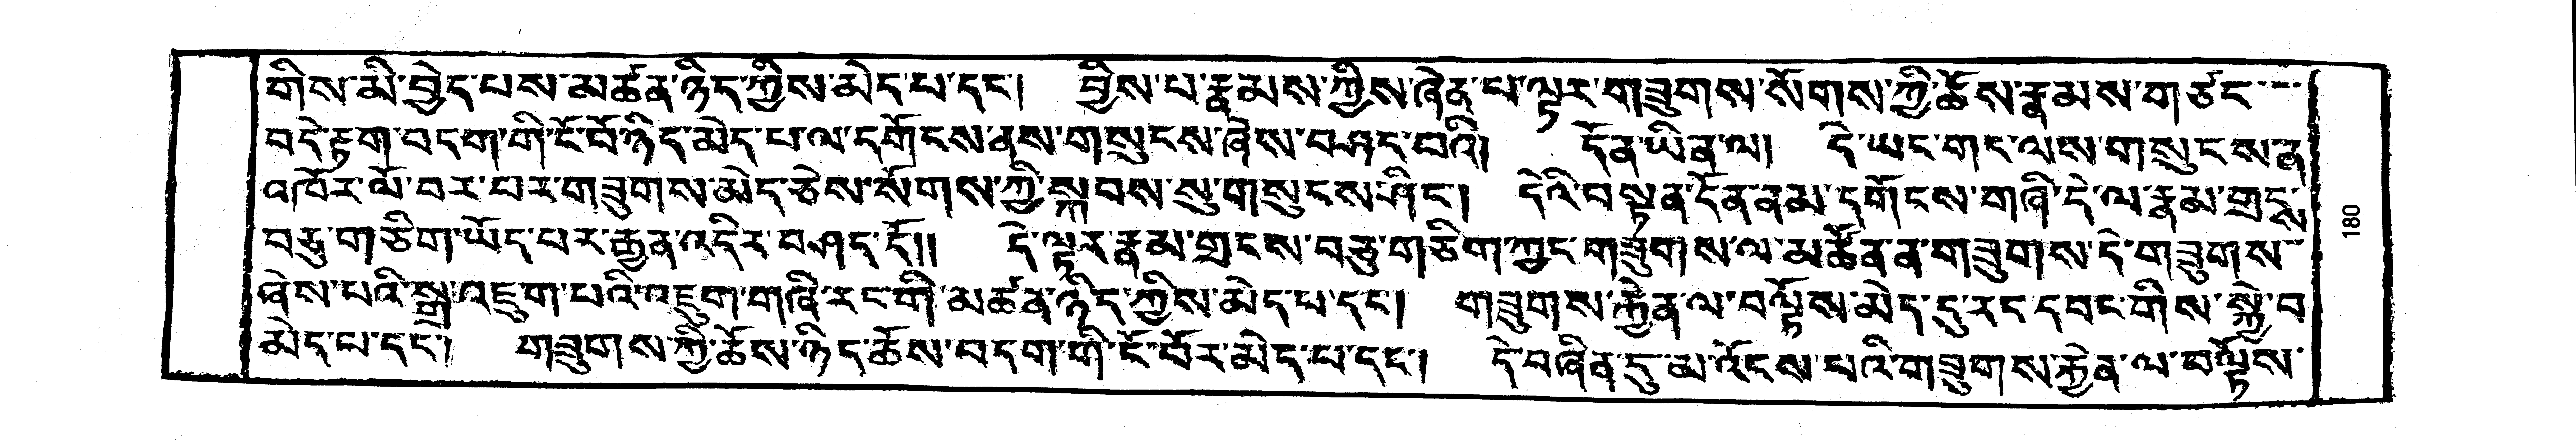གིས་མི་བྱེད་པས་མཚན་ཉིད་ཀྱིས་མེད་པ་དང་། བྱིས་པ་རྣམས་ཀྱིས་ཞེན་པ་ལྟར་གཟུགས་སོགས་ཀྱི་ཆོས་རྣམས་གཙང་
བདེ་རྟག་བདག་གི་ངོ་བོ་ཉིད་མེད་པ་ལ་དགོངས་ནས་གསུངས་ཞེས་བཤད་པའི། དོན་ཡིན་ལ། དེ་ཡང་གང་ལས་གསུངས་ན་
འཁོར་ལོ་བར་པར་གཟུགས་མེད་ཅེས་སོགས་ཀྱི་སྐབས་སུ་གསུངས་ཤིང་། དེའི་བསྟན་དོན་ནམ་དགོངས་གཞི་དེ་ལ་རྣམ་གྲངས་
བཅུ་གཅིག་ཡོད་པར་རྒྱན་འདིར་བཤད་དོ། །དེ་ལྟར་རྣམ་གྲངས་བཅུ་གཅིག་ཀྱང་གཟུགས་ལ་མཚོན་ན་གཟུགས་དེ་གཟུགས་
ཞེས་པའི་སྒྲ་འཇུག་པའི་འཇུག་གཞི་རང་གི་མཚན་ཉིད་ཀྱིས་མེད་པ་དང་། གཟུགས་རྐྱེན་ལ་བལྟོས་མེད་དུ་རང་དབང་གིས་སྐྱེ་བ་
མེད་པ་དང་། གཟུགས་ཀྱི་ཆོས་ཉིད་ཆོས་བདག་གི་ངོ་བོར་མེད་པ་དང་། དེ་བཞིན་དུ་མ་འོངས་པའི་གཟུགས་རྐྱེན་ལ་བལྟོས་